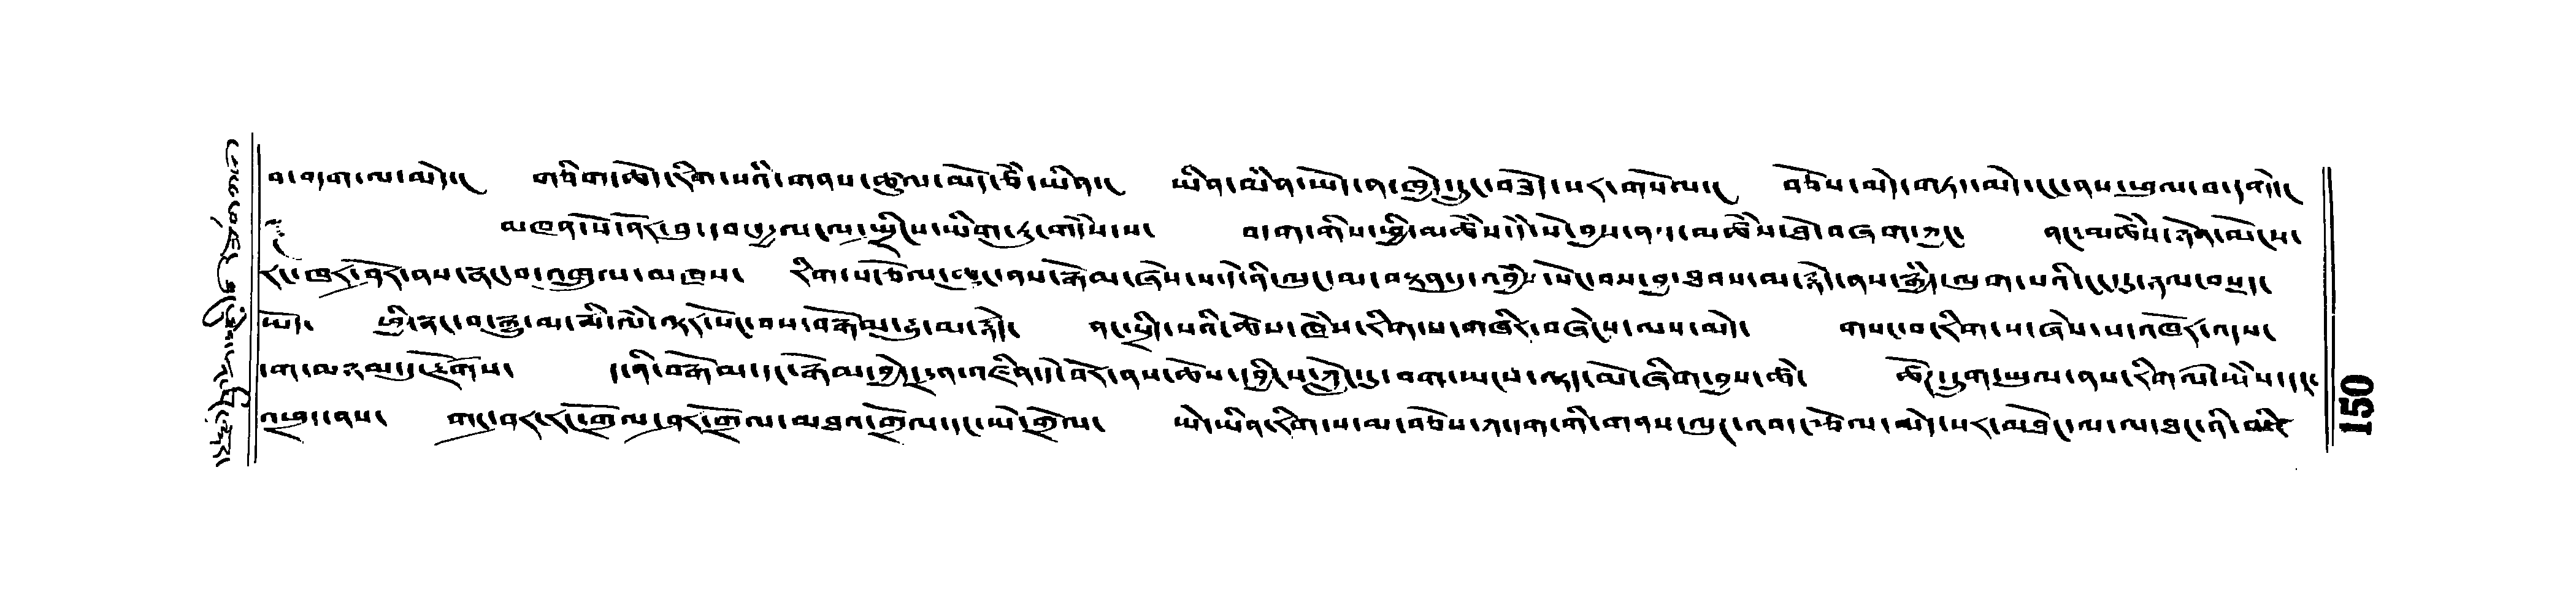བ་བདག་ལ་མེད། །གཅིག་ཆོད་རིག་པའི་གནས་ཚུལ་མདོ་ཙམ་ཡིན། །ཡིན་མིན་ཡོད་ན་ཁྱེད་དྲུང་བཟོད་པར་གསོལ། །བཅོས་མེད་གཏད་མེད་ངང་ནས་ཕུལ་བ་དགེ། 
༈ མཁན་པོ་ནོར་བུ་དབང་རྒྱལ་ལ་སྤྲིངས་ཡིག་ཏུ་གདམས་པ། བདག་གིས་ཕྱི་མཚམས་དམ་པོ་བྱས་ནས་མཚམས་ཐོ་བཞག་ཀྱང་། ནང་མཚམས་ཉོན་མོངས་
རང་ཁར་ཤོར་ནས་སྣང་བ་འཁྲུལ་མཁས། རིག་པ་ཅོལ་ཆུང་ནས་སྒོམ་ཞེས་པ་དེ་ནི་ལུང་མ་བསྟན་དུ་འབྱམས་སོང་བས་བྱ་ཐབས་མ་རྙེད་ནས་སྒྱིད་ལུག་པའི་ངང་དུ་ཉལ་བསྡད་
ཡོད། ཕྱི་སྣང་བ་སྒྱུ་མ་རྨི་ལམ་ལྟར་སོང་བས་བསྒོམ་རྒྱུ་མ་རྙེད། ནང་སྲིད་པའི་ཆོས་ཁམས་རིག་པ་གཞིར་བཞེངས་ལས་མེད། གསང་བ་རིག་པ་ཞེས་པ་འཁོར་འདས་
དག་མཉམ་དུ་རྫོགས། ད་ནི་བསྒོམ་དང་སྒོམ་བྱེད་དྲན་འཛིན་དེ་བོར་ནས། །ཆོས་དབྱིངས་ཀློང་དུ་བག་ཡངས་ལྷད་མོ་ཞིག་བྱས་ཚེ། །ཚོགས་དྲུག་ཡུལ་ནས་རིག་གསལ་ཡེ་ཤེས་དང་
འཕྲད་ནས། །གང་ཤར་རང་གྲོལ་ཤར་གྲོལ་མཐའ་གྲོལ་དང་ཡེ་གྲོལ། །ཡེ་ཡིན་རིག་པ་མ་བཅོས་ཀ་དག་གི་གནས་ལུགས། །རྩོལ་མེད་པར་མཐོང་ལ་ལ་ཐང་ནི་མི་